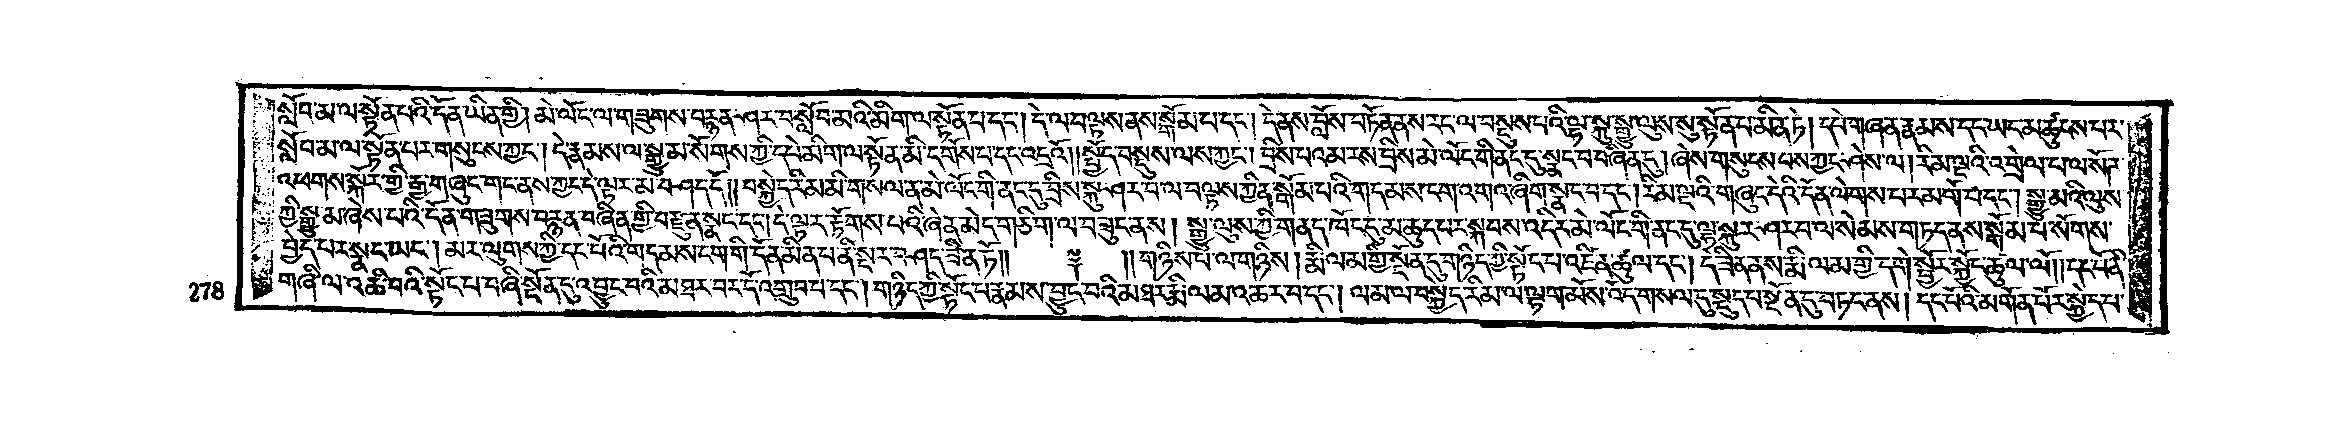སློབ་མ་ལ་སྟོན་པའི་དོན་ཡིན་གྱི། མེ་ལོང་ལ་གཟུགས་བརྙན་ཤར་བ་སློབ་མའི་མིག་ལ་སྟོན་པ་དང་། དེ་ལ་བལྟས་ནས་སྒོམ་པ་དང་། དེ་ནས་བློས་བཏོན་ནས་རང་ལ་བསྡུས་པའི་ལྷ་སྐུ་སྒྱུ་ལུས་སུ་སྟོན་པ་མིན་ཏེ། དཔེ་གཞན་རྣམས་དང་ཡང་མཚུངས་པར་
སློབ་མ་ལ་སྟོན་པར་གསུངས་ཀྱང་། དེ་རྣམས་ལ་སྒྱུ་མ་སོགས་ཀྱི་དཔེ་མིག་ལ་སྟོན་མི་དགོས་པ་དང་འདྲའོ། །སྤྱོད་བསྡུས་ལས་ཀྱང་། བྲིས་པའམ་རས་བྲིས་མེ་ལོང་གི་ནང་དུ་སྣང་བ་བཞིན་དུ། ཞེས་གསུངས་པས་ཀྱང་ཤེས་ལ། རིམ་ལྔའི་འགྲེལ་པ་ལ་སོགས་
འཕགས་སྐོར་གྱི་རྒྱ་གཞུང་གང་ནས་ཀྱང་དེ་ལྟར་མ་བཤད་དོ། །བསྐྱེད་རིམ་མི་གསལ་ན་མེ་ལོང་གི་ནང་དུ་བྲིས་སྐུ་ཤར་བ་ལ་བལྟས་ཀྱིན་སྒོམ་པའི་གདམས་ངག་འགའ་ཞིག་སྣང་བ་དང་། རིམ་ལྔའི་གཞུང་དེའི་དོན་ལེགས་པར་མ་གོ་བ་དང་། སྒྱུ་མའི་ལུས་
ཀྱི་སྒྱུ་མ་ཞེས་པའི་དོན་གཟུགས་བརྙན་བཞིན་གྱི་བརྫུན་སྣང་དང་། དེ་ལྟར་རྟོགས་པའི་ཞེན་མེད་གཅིག་ལ་བཟུང་ནས། སྒྱུ་ལུས་ཀྱི་གནད་ཁོང་དུ་མ་ཆུད་པར་སྐབས་འདིར་མེ་ལོང་གི་ནང་དུ་ལྷ་སྐུར་ཤར་བ་ལ་སེམས་གཏད་ནས་སྒོམ་པ་སོགས་
བྱེད་པར་སྣང་ཡང་། མར་ལུགས་ཀྱི་དང་པོའི་གདམས་ངག་གི་དོན་མིན་པ་ནི་སྔར་བཤད་ཟིན་ཏོ།། ༈ །།གཉིས་པ་ལ་གཉིས། རྨི་ལམ་གྱི་སྔོན་དུ་གཉིད་ཀྱི་སྟོང་པ་འཛིན་ཚུལ་དང་། དེ་ཟིན་ནས་རྨི་ལམ་གྱི་དགེ་སྦྱོར་སྐྱོང་ཚུལ་ལོ། །དང་པོ་ནི།
གཞི་ལ་འཆི་བའི་སྟོང་པ་བཞི་སྔོན་དུ་འབྱུང་བའི་མཐར་བར་དོ་འགྲུབ་པ་དང་། གཉིད་ཀྱི་སྟོང་པ་རྣམས་བྱུང་བའི་མཐར་རྨི་ལམ་འཆར་བ་དང་། ལམ་ལ་བསྐྱེད་རིམ་ལ་ལྷག་མོས་འོད་གསལ་དུ་སྡུད་པ་སྔོན་དུ་བཏང་ནས། དང་པོའི་མགོན་པོར་སྐྱེད་པ་